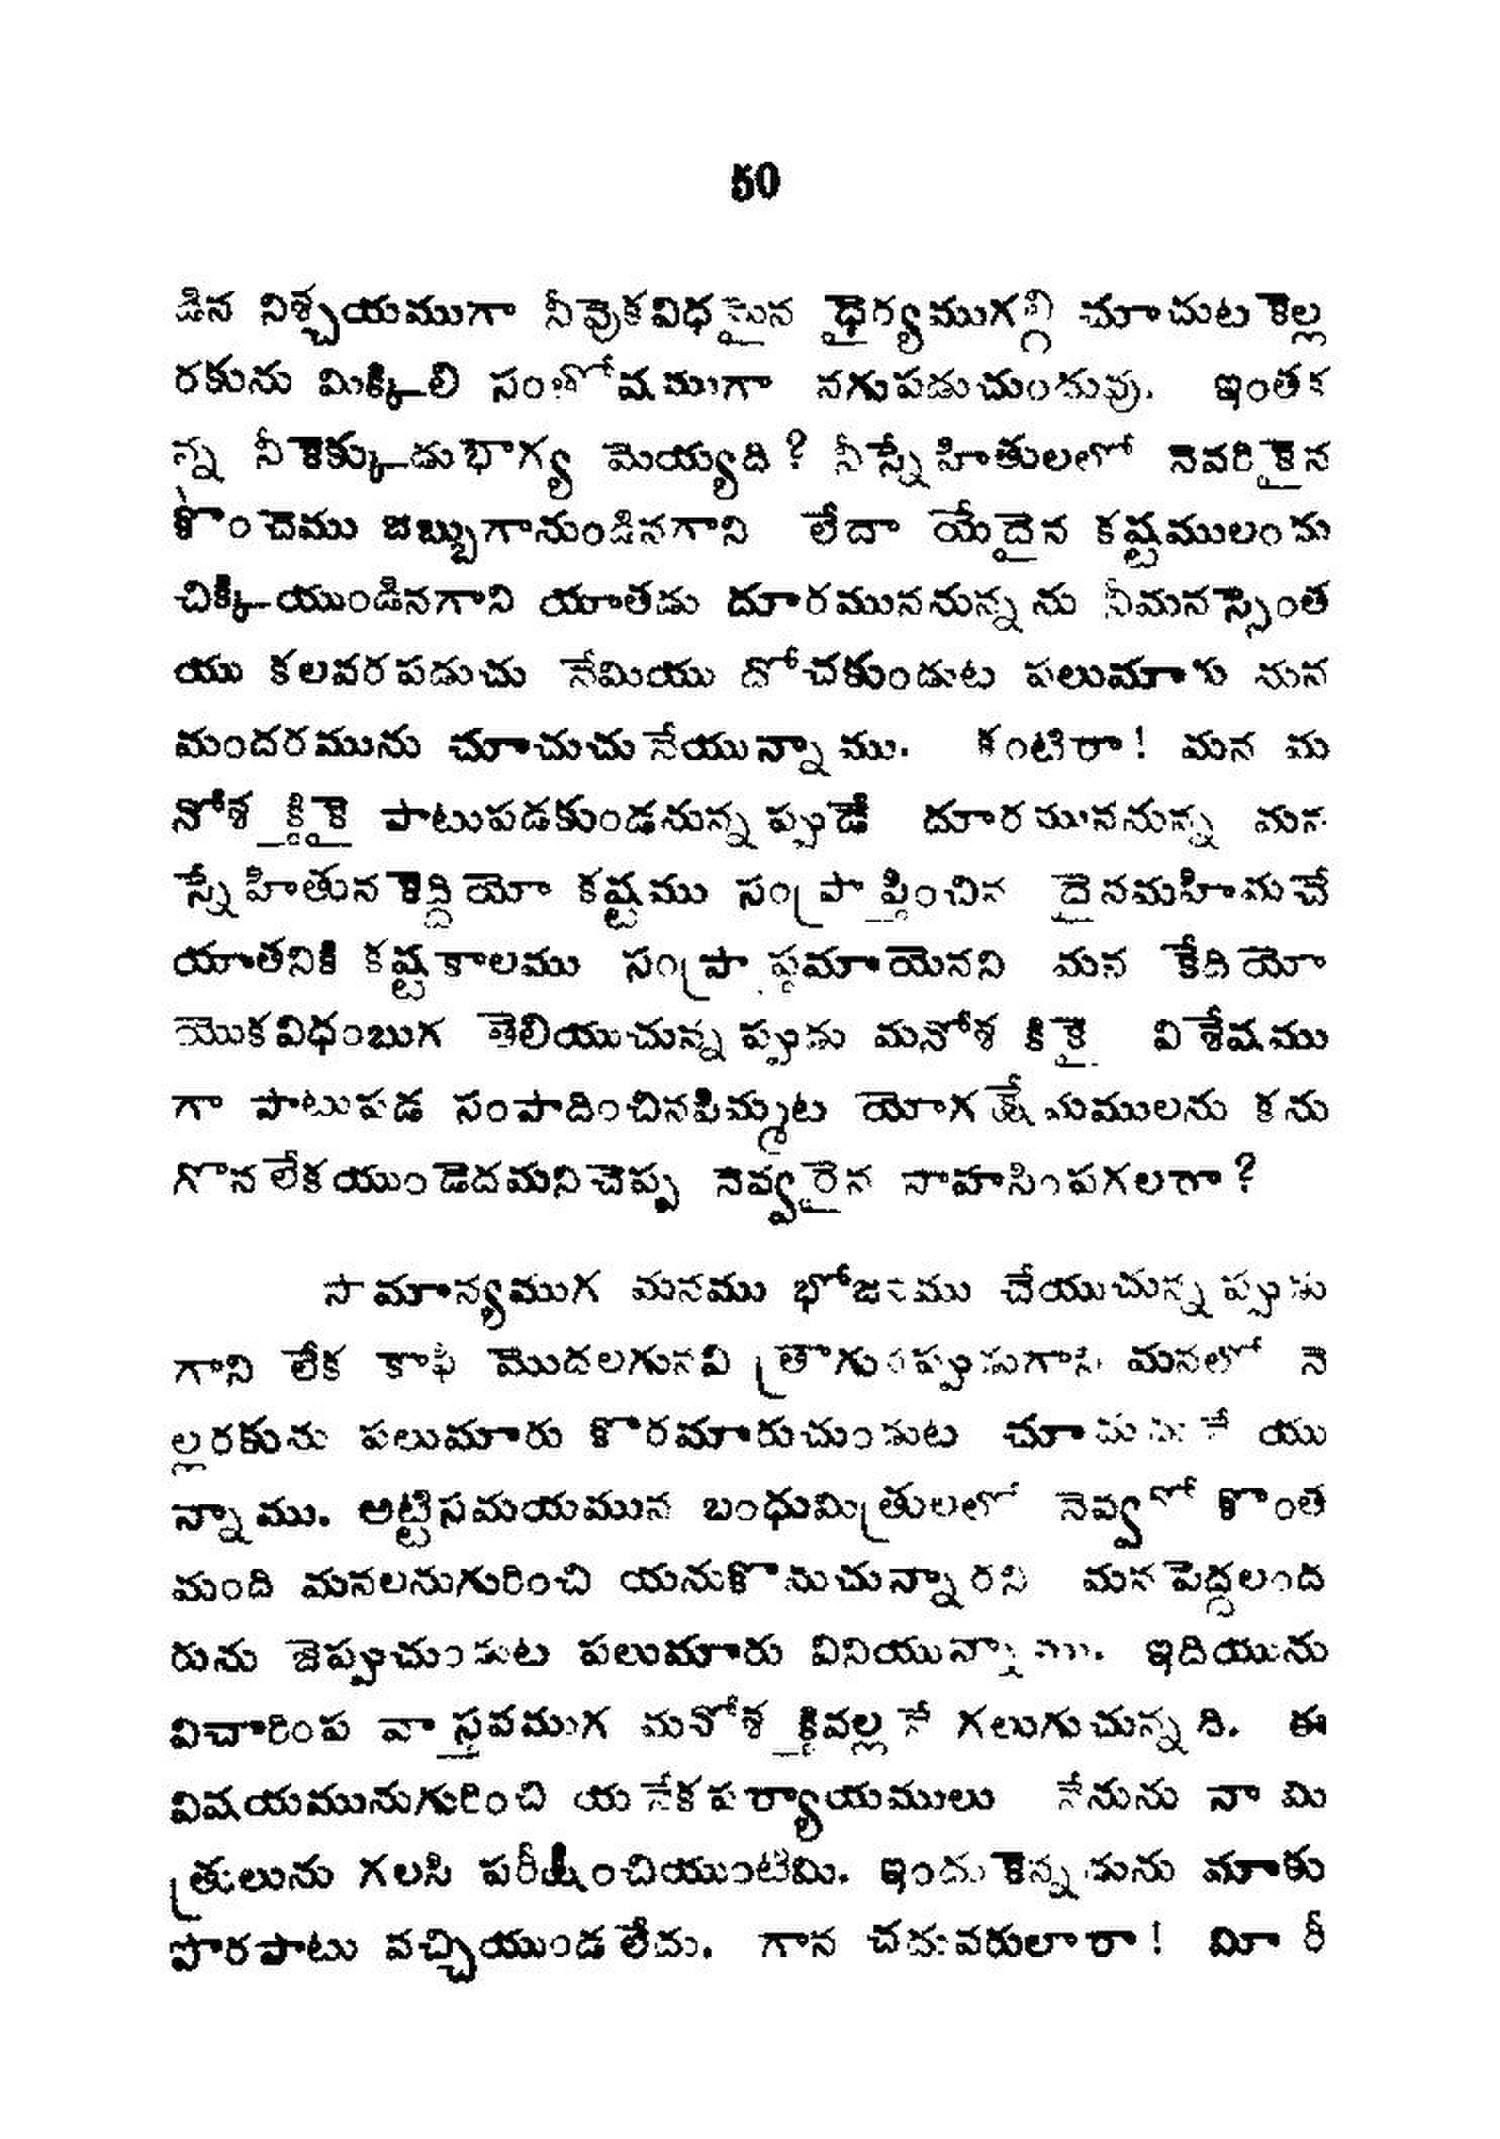డిన నిశ్చయముగా నీవొకవిధమైన ధైర్యముగల్గి చూచుట కెల్లరకును మిక్కిలి సంతోషముగా నగుపడుచుందువు. ఇంతకన్న నీకెక్కుడుభాగ్య మెయ్యది ? నీస్నేహితులలో నెవరికైన కొంచెము జబ్బుగానుండినగాని లేదా యేదైన కష్టములందు చిక్కియుండినగాని యాతడు దూరముననున్నను నీమనస్సెంతయు కలవరపడుచు నేమియు దోచకుండుట పలుమారు మనమందరమును చూచుచునేయున్నాము. కంటిరా! మన మనోశక్తికై పాటుపడకుండనున్నప్పుడే దూరముననున్న మన
స్నేహితునకెద్దియో కష్టము సంప్రాప్తించిన దైనమహిమచే యాతనికి కష్టకాలము సంప్రాప్తమాయెనని మన కేదియో యొకవిధంబుగ తెలియుచున్నప్పుడు మనోశక్తికై విశేషముగా పాటుపడ సంపాదించిన పిమ్మట యోగక్షేమములను కనుగొనలేక యుండెదమనిచెప్ప నెవ్వరైన సాహసింపగలగా?

సామాన్యముగ మనము భోజము చేయుచున్నప్పుడుగాని లేక కాఫీ మొదలగునవి త్రాగునప్పుడుగాని, మసలో నెల్లరకును పలుమారు కొరమారుచుండుట చూచుచునే యున్నాము. అట్టిసమయమున బంధుమిత్రులలో నెవ్వరో కొంతమంది మనలనుగురించి యనుకొనుచున్నారని మనపెద్దలందరును జెప్పుచుండుట పలుమారు వినియున్నాము. ఇదియును విచారింప వాస్తవముగ మనోశక్తివల్లనే గలుగుచున్నది. ఈ విషయమునుగురించి యనేకపర్యాయములు నేనును నామిత్రులును గలసి పరీక్షించియుంటిమి. ఇందుకెన్నడును మాకు పొరపాటు వచ్చియుండలేదు. గాన చదువరులారా! మీరీ